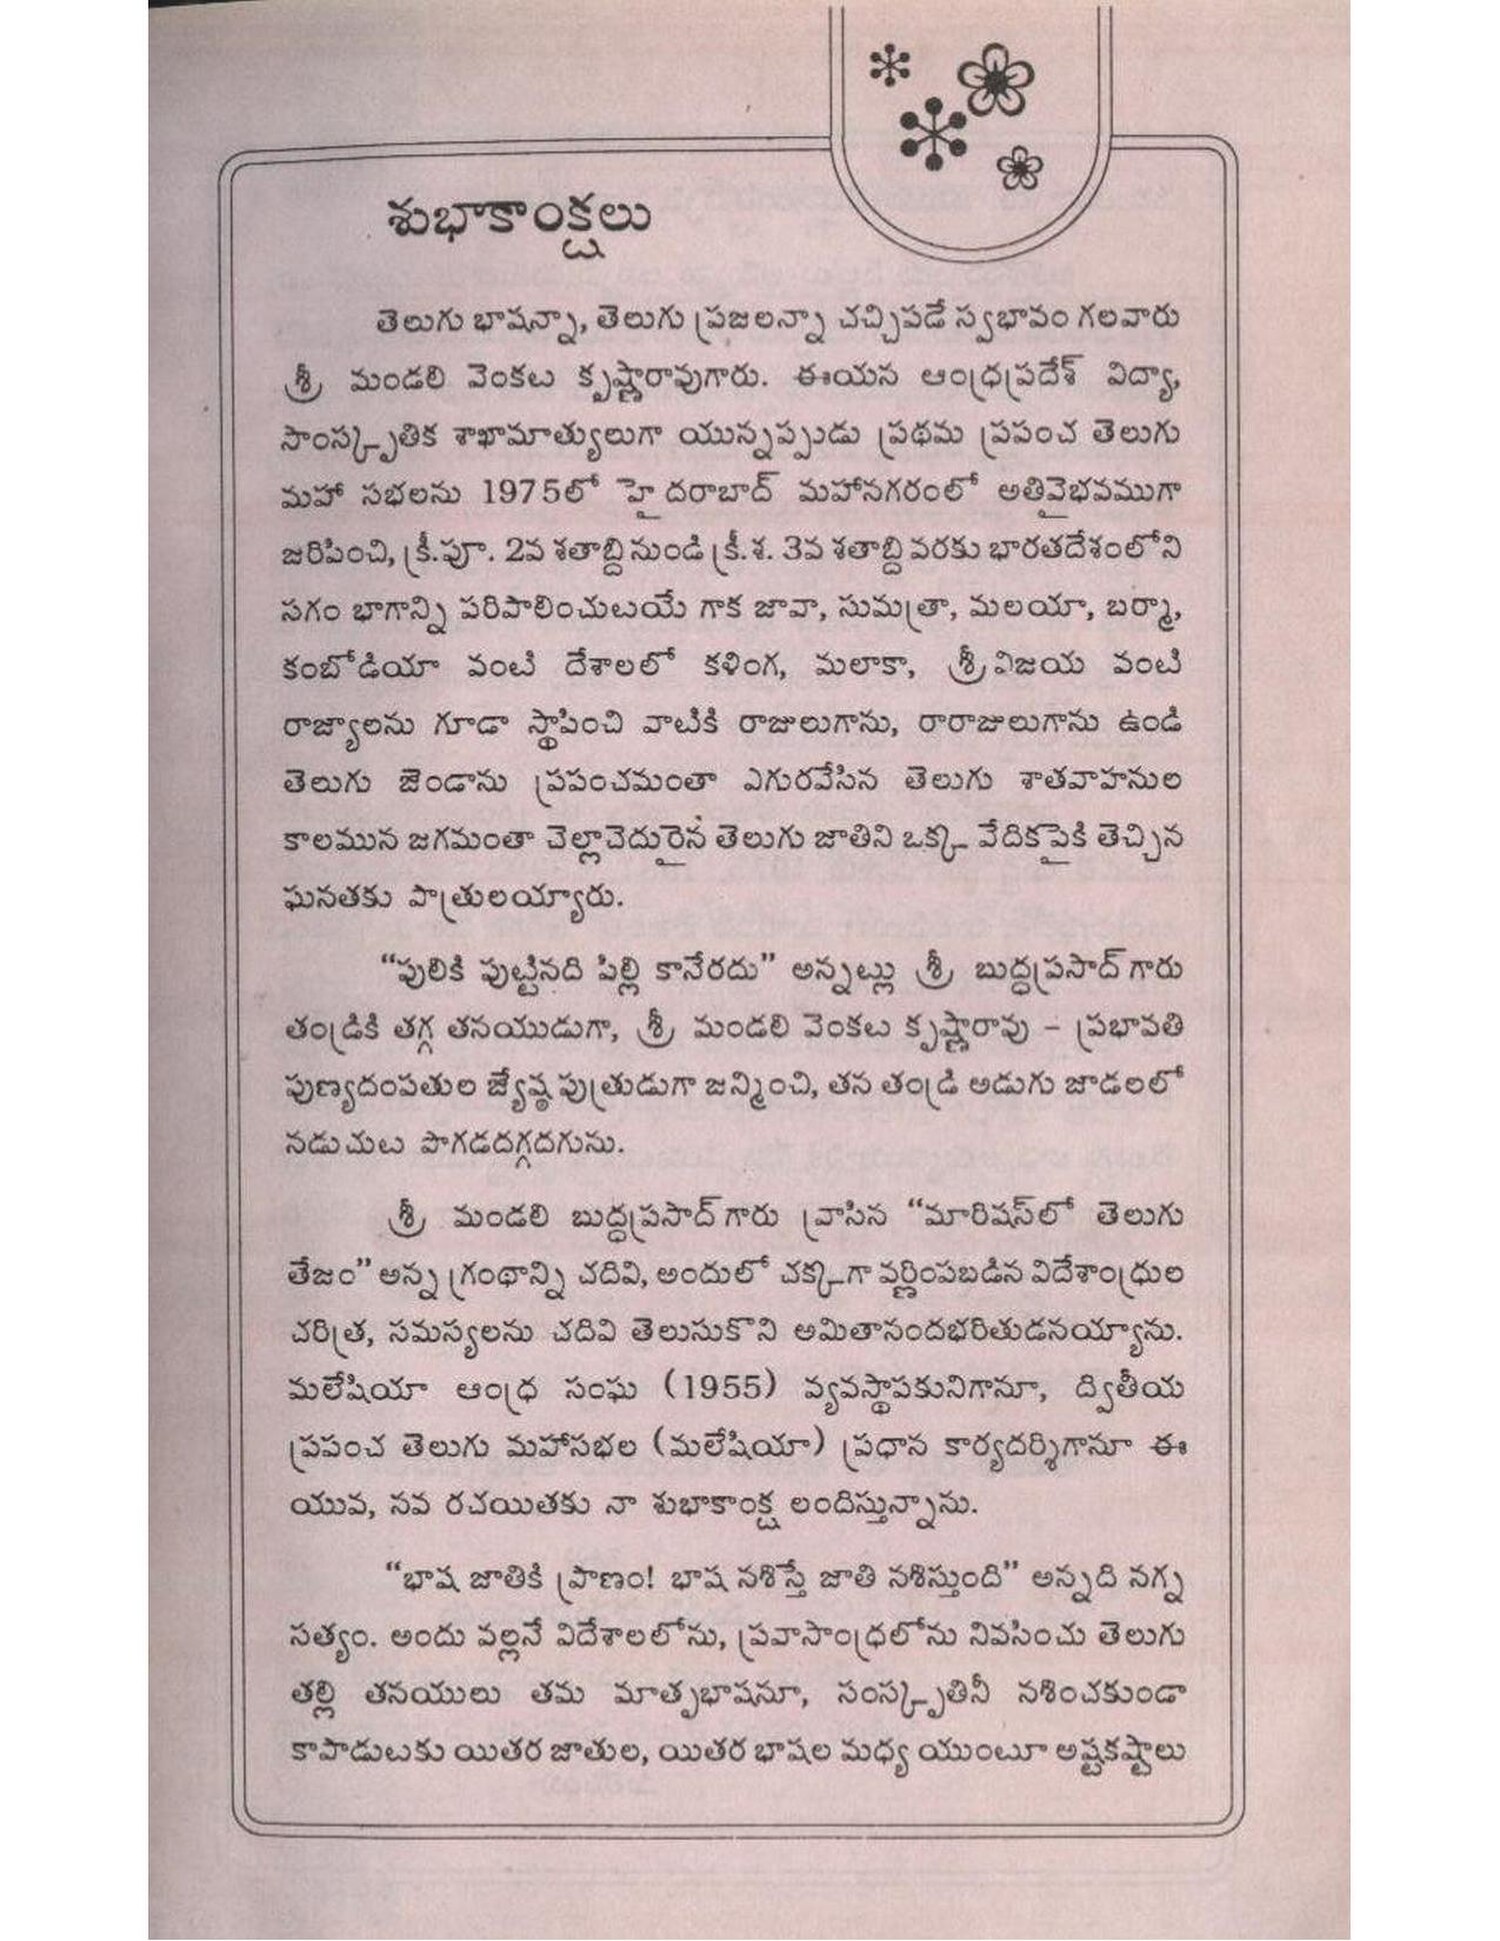శుభాకాంక్షలు

తెలుగు భాషన్నా, తెలుగు ప్రజలన్నా చచ్చిపడే స్వభావం గలవారు శ్రీ మండలి వెంకట కృష్ణారావుగారు. ఈయన ఆంధ్రప్రదేశ్ విద్యా సాంస్కృతిక శాఖామాత్యులుగా యున్నప్పుడు ప్రథమ ప్రపంచ తెలుగు మహా సభలను 1975లో హైదరాబాద్ మహానగరంలో అతివైభవముగా జరిపించి, క్రీ.పూ. 2వ శతాబ్దినుండి క్రీ.శ. 3వ శతాబ్ది వరకు భారతదేశంలోని సగం భాగాన్ని పరిపాలించుటయే గాక జావా, సుమత్రా, మలయా, బర్మా, కంబోడియా వంటి దేశాలలో కళింగ, మలాకా, శ్రీ విజయ వంటి రాజ్యాలను కూడా స్థాపించి వాటికి రాజులుగాను, రారాజులుగాను ఉండి తెలుగు జెండాను ప్రపంచమంతా ఎగురవేసిన తెలుగు శాతవాహనుల కాలమున జగమంతా చెల్లాచెదురైన తెలుగు జాతిని ఒక్క వేదికపైకి తెచ్చిన ఘనతకు పాత్రులయ్యారు.

"పులికి పుట్టినది పిల్లి కానేరదు" అన్నట్లు శ్రీ బుద్ధప్రసాద్ గారు తండ్రికి తగ్గ తనయుడుగా, శ్రీ మండలి వెంకట కృష్ణారావు - ప్రభావతి పుణ్యదంపతుల జ్యేష్ఠ పుత్రుడుగా జన్మించి, తన తండ్రి అడుగు జాడలలో నడుచుట పొగడదగ్గదగును.

శ్రీ మండలి బుద్దప్రసాద్ గారు వ్రాసిన "మారిషస్ లో తెలుగు తేజం' అన్న గ్రంథాన్ని చదివి, అందులో చక్కగా వర్ణింపబడిన విదేశాంధ్రుల చరిత్ర, సమస్యలను చదివి తెలుసుకొని అమితానందభరితుడనయ్యాను. మలేషియా ఆంధ్ర సంఘ (1955) వ్యవస్థాపకునిగానూ, ద్వితీయ ప్రపంచ తెలుగు మహాసభల (మలేషియా) ప్రధాన కార్యదర్శిగానూ ఈ యువ, నవ రచయితకు నా శుభాకాంక్ష లందిస్తున్నాను.

"భాష జాతికి ప్రాణం! భాష నశిస్తే జాతి నశిస్తుంది" అన్నది నగ్న సత్యం. అందు వల్లనే విదేశాలలోను, ప్రవాసాంధ్రలోను నివసించు తెలుగు తల్లి తనయులు తమ మాతృభాషనూ, సంస్కృతినీ నశించకుండా కాపాడుటకు యితర జాతుల, యితర భాషల మధ్య యుంటూ అష్టకష్టాలు